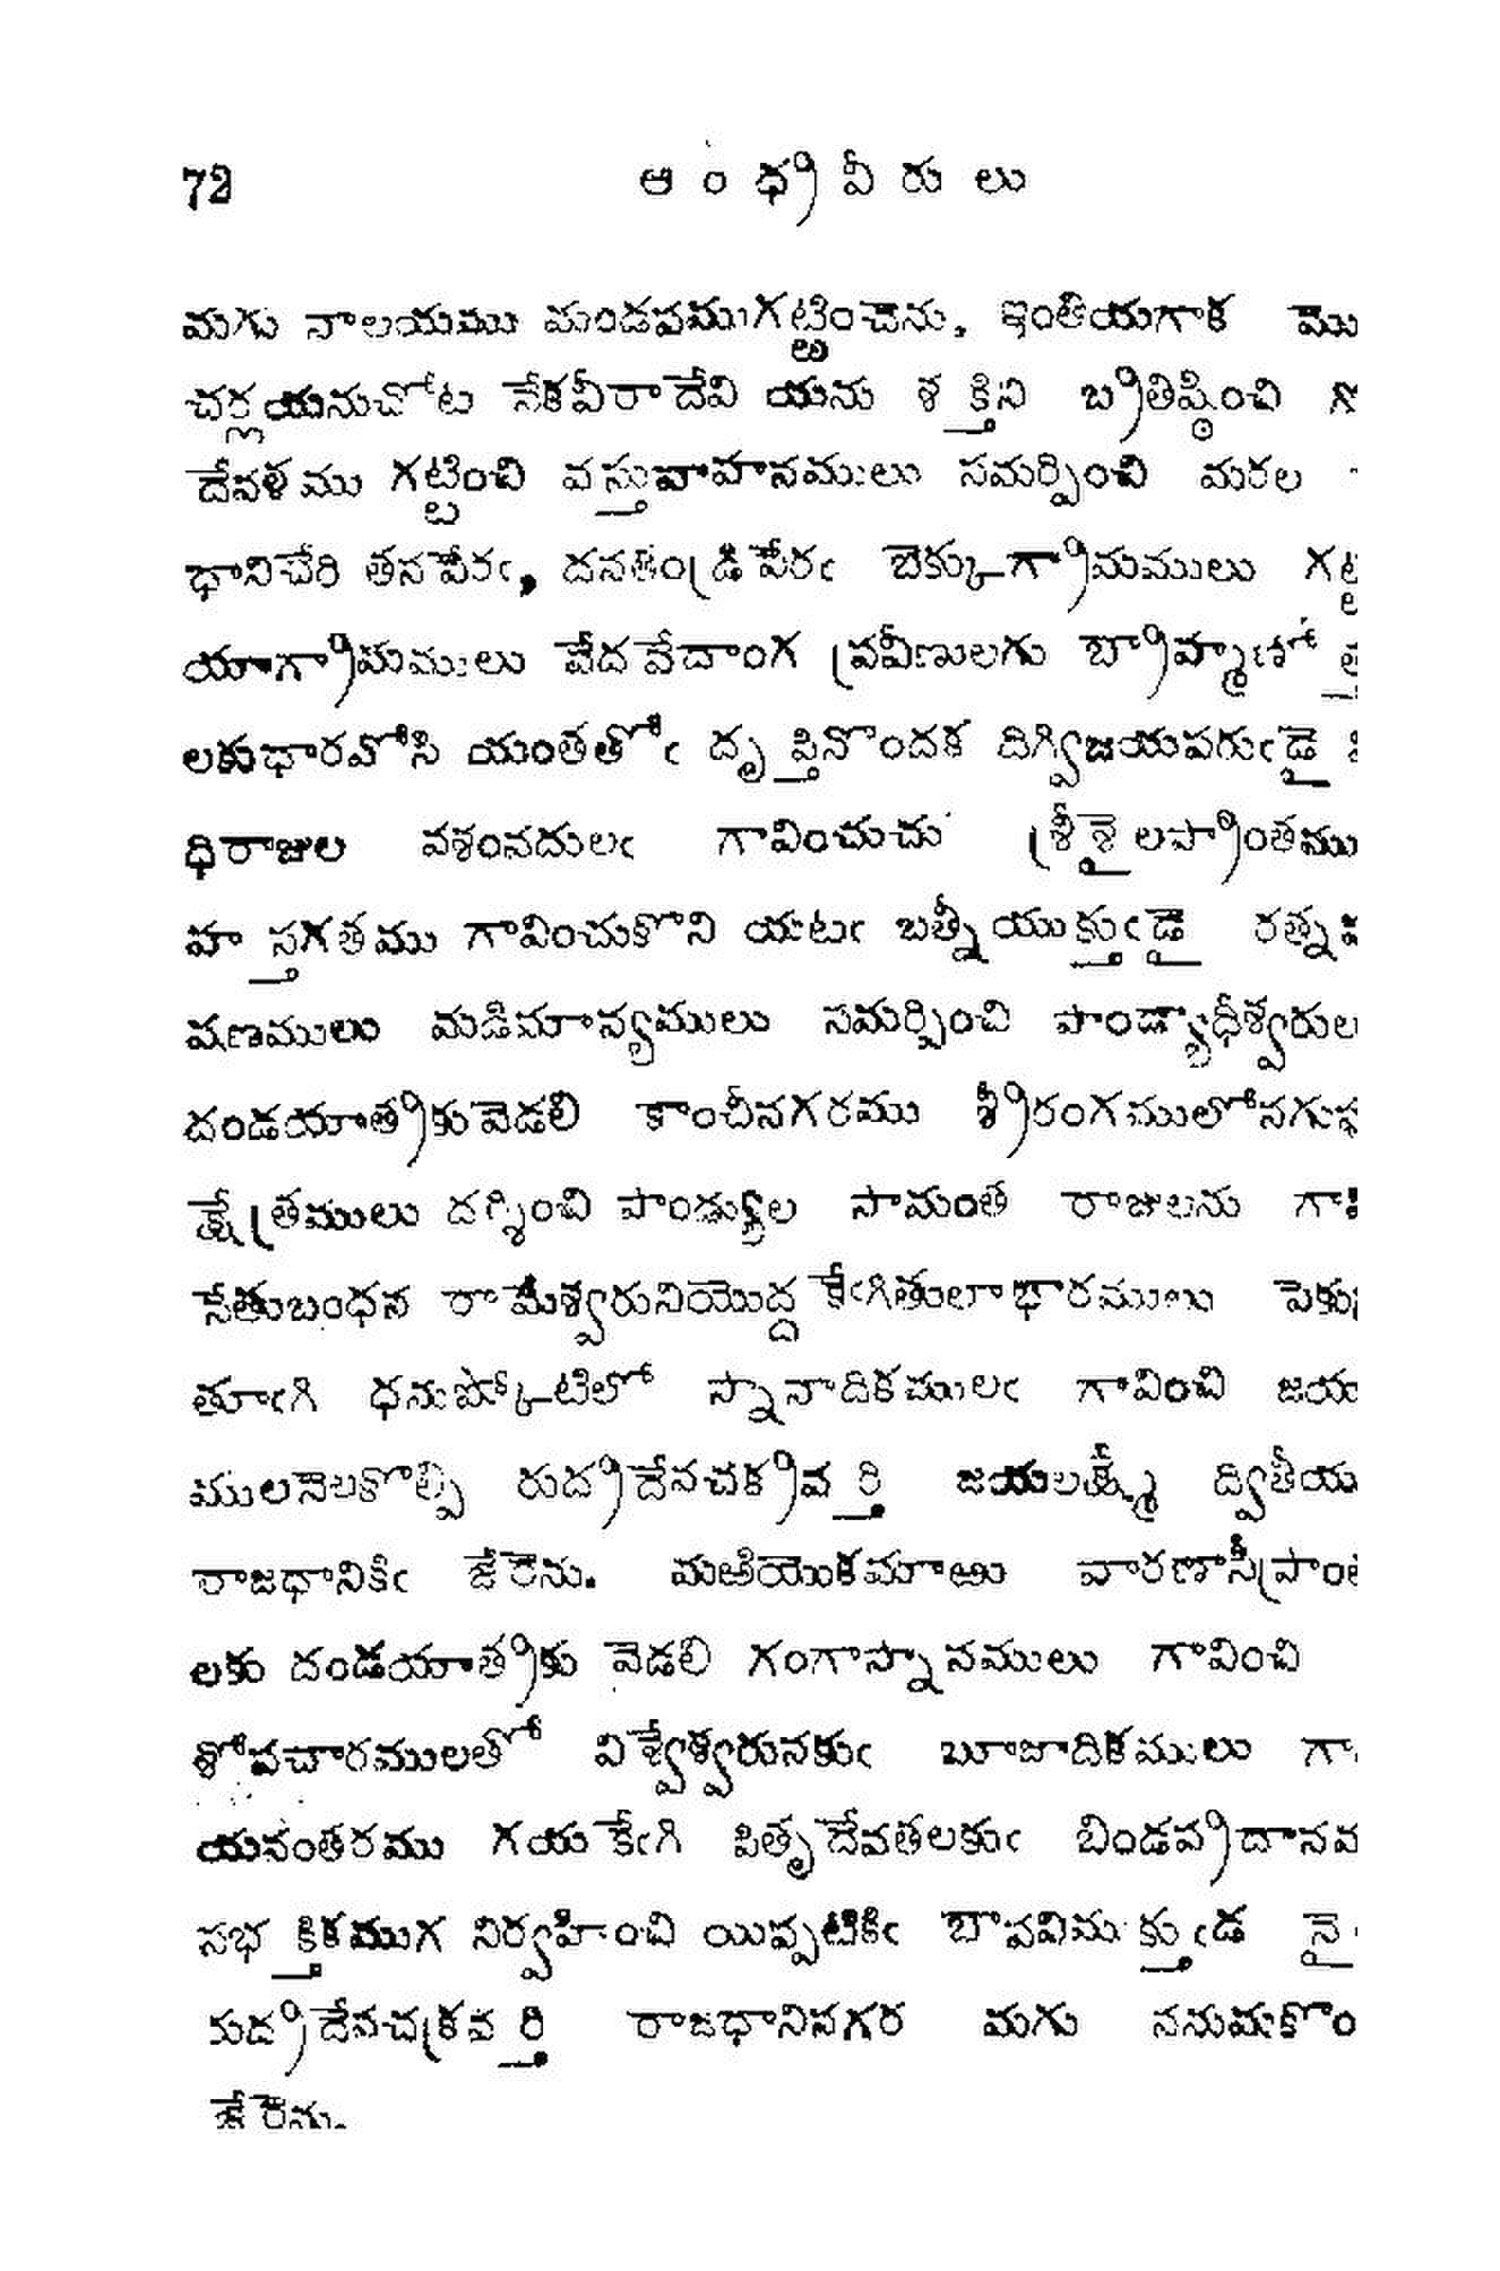మగు నాలయము మండపము గట్టించెను. ఇంతియగాక మొగిలిచర్లయనుచోట నేకవీరాదేవి యను శక్తిని బ్రతిష్టించి గొప్ప దేవళము గట్టించి వస్తువాహనములు సమర్పించి మరల రాజధానిచేరి తనపేర, దనతండ్రిపేర బెక్కుగ్రామములు గట్టించి యాగ్రామములు వేదవేదాంగ ప్రవీణులగు బ్రాహ్మణోత్తములకు ధారవోసి యంతతో దృప్తినొందక దిగ్విజయపరుడై వివిధరాజుల వశంవదుల గావించుచు శ్రీశైలఫ్రాంతము తన హస్తగతము గావించుకొని యట బత్నీయుక్తుడై రత్నమాషణములు మడిమామాన్యములు సమర్పించి పాండ్యాధీశ్వరులపై దండయాత్రవెడలి కాంచీనగరము శ్రీరంగములోనగుపుణ్యక్షేత్రములు దర్శించి పాండ్యుల సామంత రాజులను గాలించి సేతుబంధన రామేశ్వరునియొద్ద కేగి తులాభారములు పెక్కు తూగి ధనుష్కోటిలో స్నానాదికముల గావించి జయములనెలకొల్పి రుద్రదేవచక్రవర్తి జయలక్ష్మీ ద్వితీయ రాజధానికి జేరెను. మఱియొకమాఱు వారణాసీప్రాంతాలకు దండయాత్రకు వెడలి గంగాస్నానములు గావించి శోడ శోపచారములతో విశ్వేశ్వరునకు బూజాదికములు గావించి యనంతరము గయకేగి పితృదేవతలకు బిండప్రదానము సభక్తికముగ నిర్వహించి యిప్పటికి బాపవిముక్తుడ నైతినని రుద్రదేవచక్రవర్తి రాజధానినగర మగు ననుమకొండకు జేరెను.